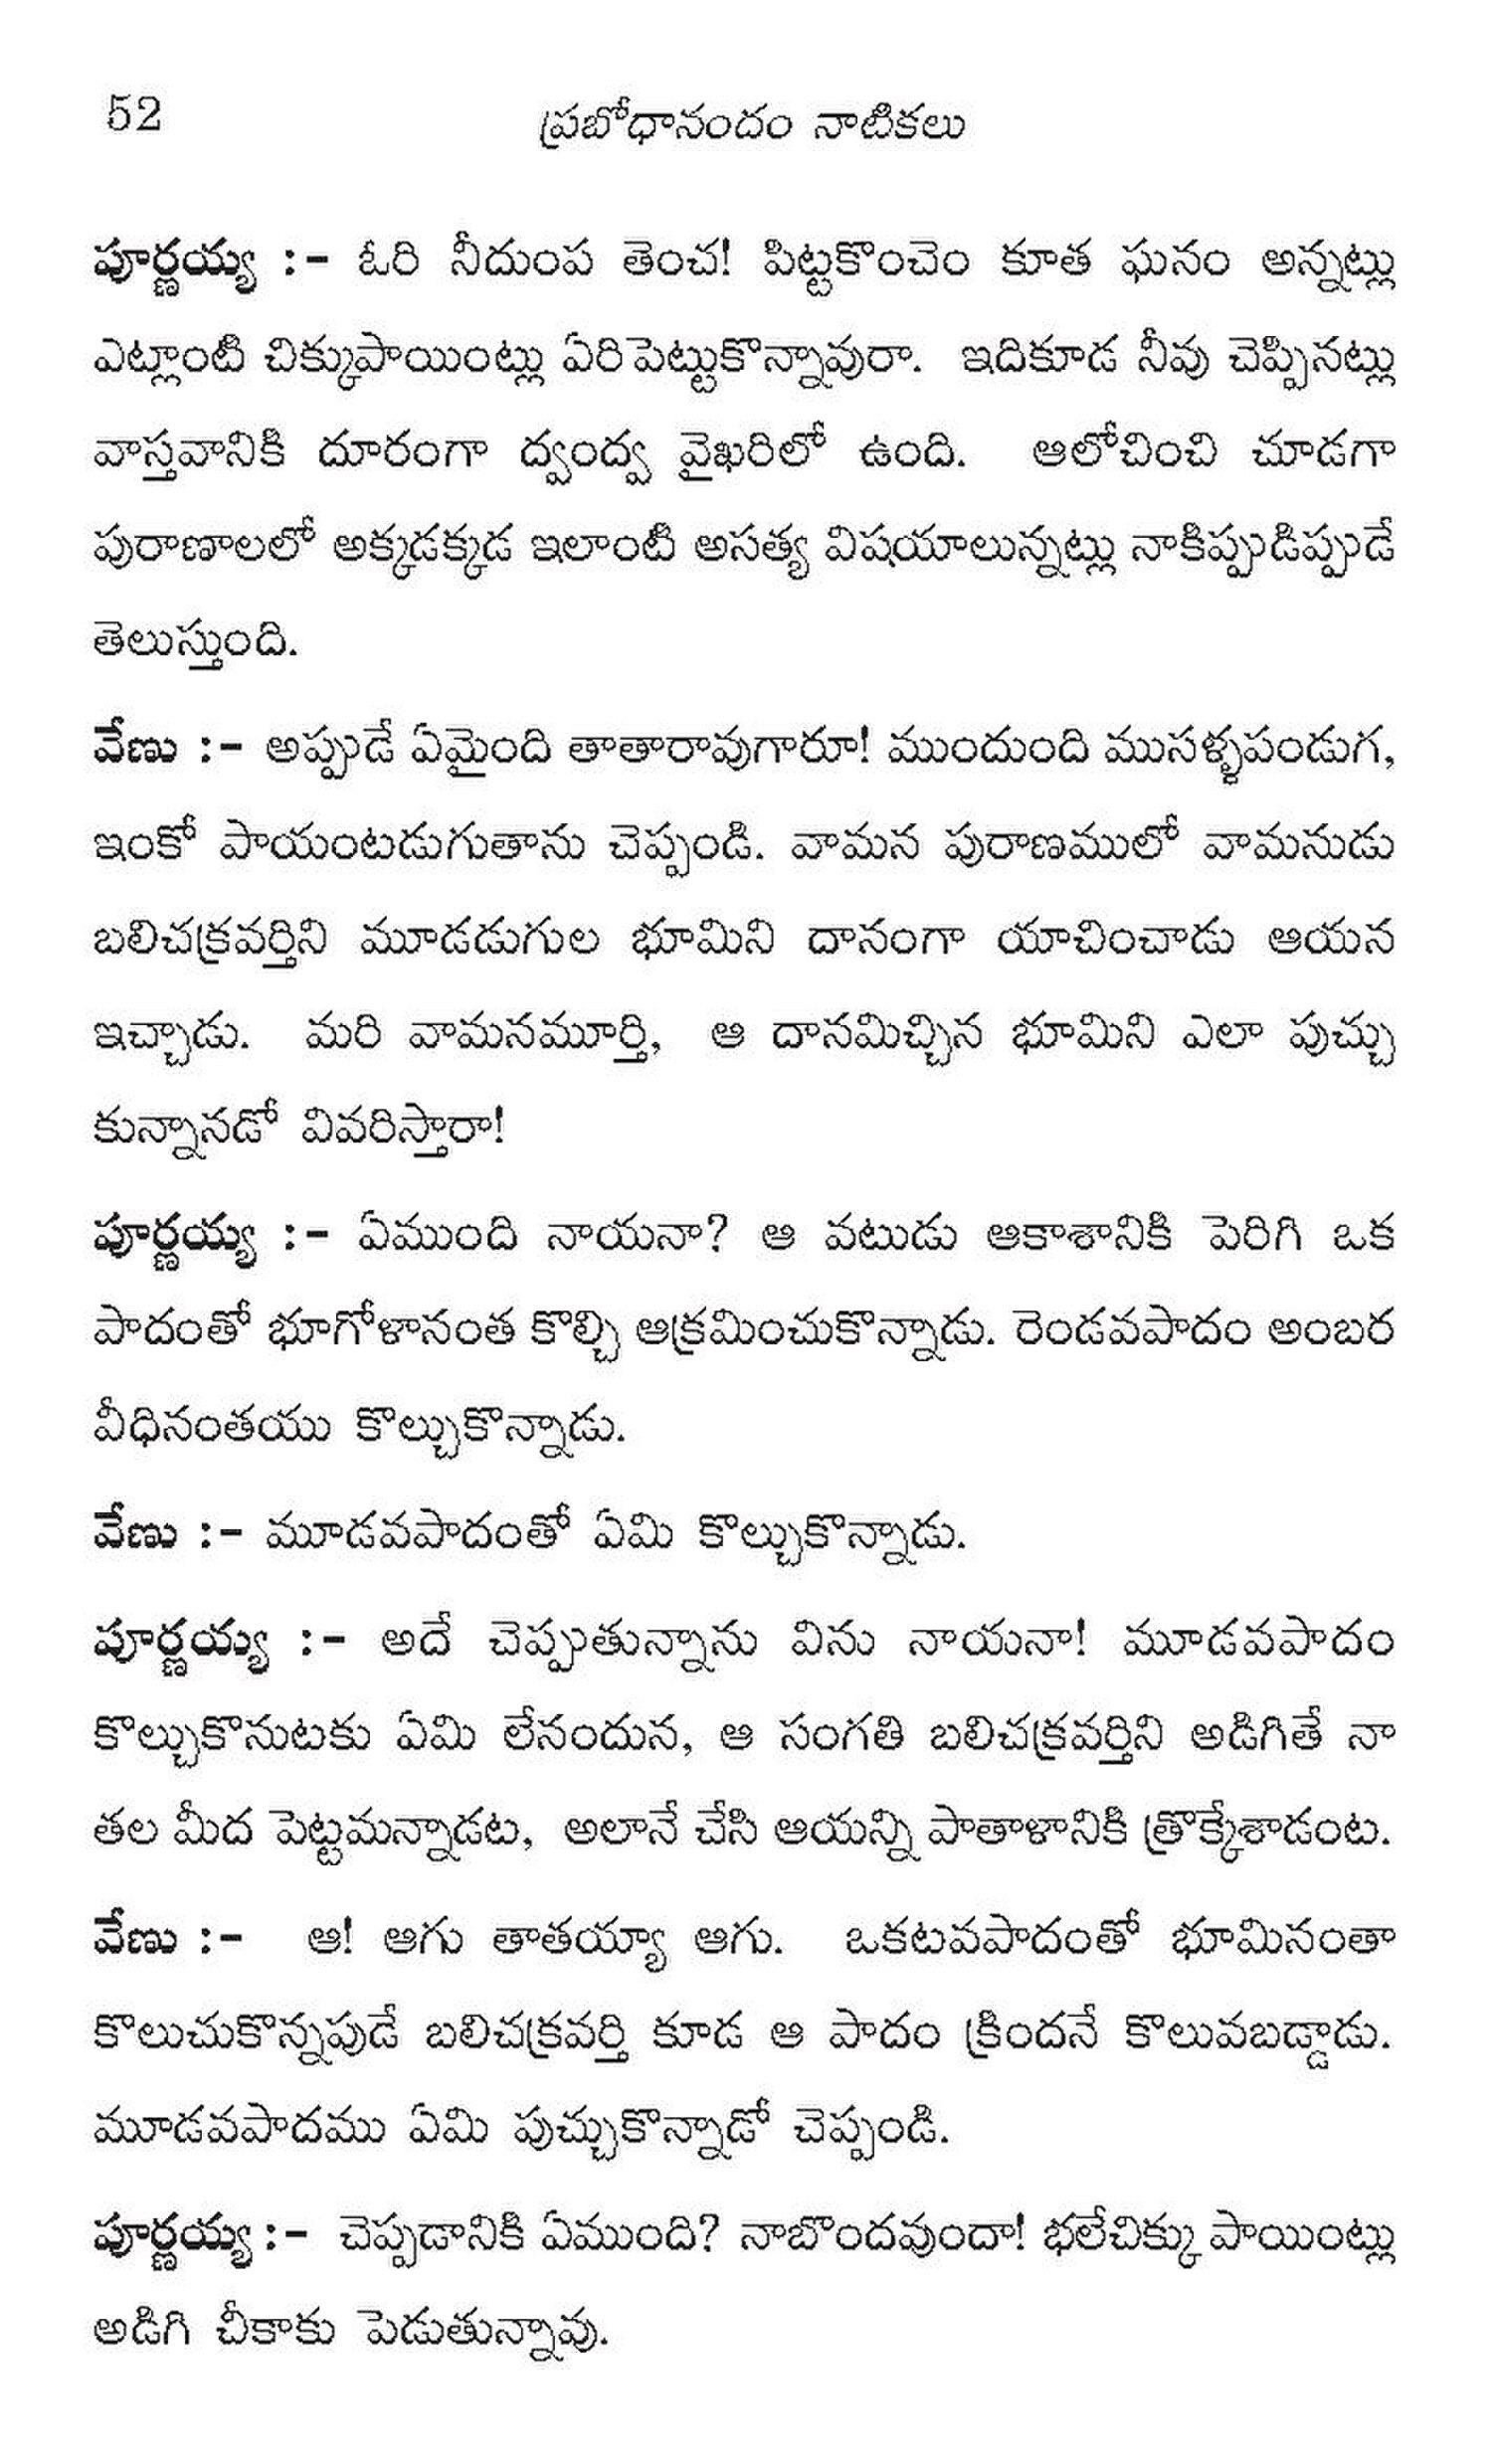పూర్ణయ్య :- ఓరి నీదుంప తెంచ! పిట్టకొంచెం కూత ఘనం అన్నట్లు ఎట్లాంటి చిక్కుపాయింట్లు ఏరిపెట్టుకొన్నావురా. ఇదికూడ నీవు చెప్పినట్లు వాస్తవానికి దూరంగా ద్వంద్వ వైఖరిలో ఉంది. ఆలోచించి చూడగా పురాణాలలో అక్కడక్కడ ఇలాంటి అసత్య విషయాలున్నట్లు నాకిప్పుడిప్పుడే తెలుస్తుంది.

వేణు :-	 అప్పుడే ఏమైంది తాతారావుగారూ! ముందుంది ముసళ్ళపండుగ, ఇంకో పాయంటడుగుతాను చెప్పండి. వామన పురాణములో వామనుడు బలిచక్రవర్తిని మూడడుగుల భూమిని దానంగా యాచించాడు ఆయన ఇచ్చాడు. మరి వామనమూర్తి, ఆ దానమిచ్చిన భూమిని ఎలా పుచ్చు కున్నానడో వివరిస్తారా!

పూర్ణయ్య :- ఏముంది నాయనా? ఆ వటుడు ఆకాశానికి పెరిగి ఒక పాదంతో భూగోళానంత కొల్చి ఆక్రమించుకొన్నాడు. రెండవపాదం అంబర వీధినంతయు కొల్చుకొన్నాడు.

వేణు :- మూడవపాదంతో ఏమి కొల్చుకొన్నాడు.

పూర్ణయ్య :- అదే చెప్పుతున్నాను విను నాయనా! మూడవపాదం కొల్చుకొనుటకు ఏమి లేనందున, ఆ సంగతి బలిచక్రవర్తిని అడిగితే నా తల మీద పెట్టమన్నాడట, అలానే చేసి ఆయన్ని పాతాళానికి త్రొక్కేశాడంట.

వేణు :-	 ఆ! ఆగు తాతయ్యా ఆగు. ఒకటవపాదంతో భూమినంతా కొలుచుకొన్నపుడే బలిచక్రవర్తి కూడ ఆ పాదం క్రిందనే కొలువబడ్డాడు. మూడవపాదము ఏమి పుచ్చుకొన్నాడో చెప్పండి.

పూర్ణయ్య :- చెప్పడానికి ఏముంది? నాబొందవుందా! భలేచిక్కు పాయింట్లు అడిగి చీకాకు పెడుతున్నావు.